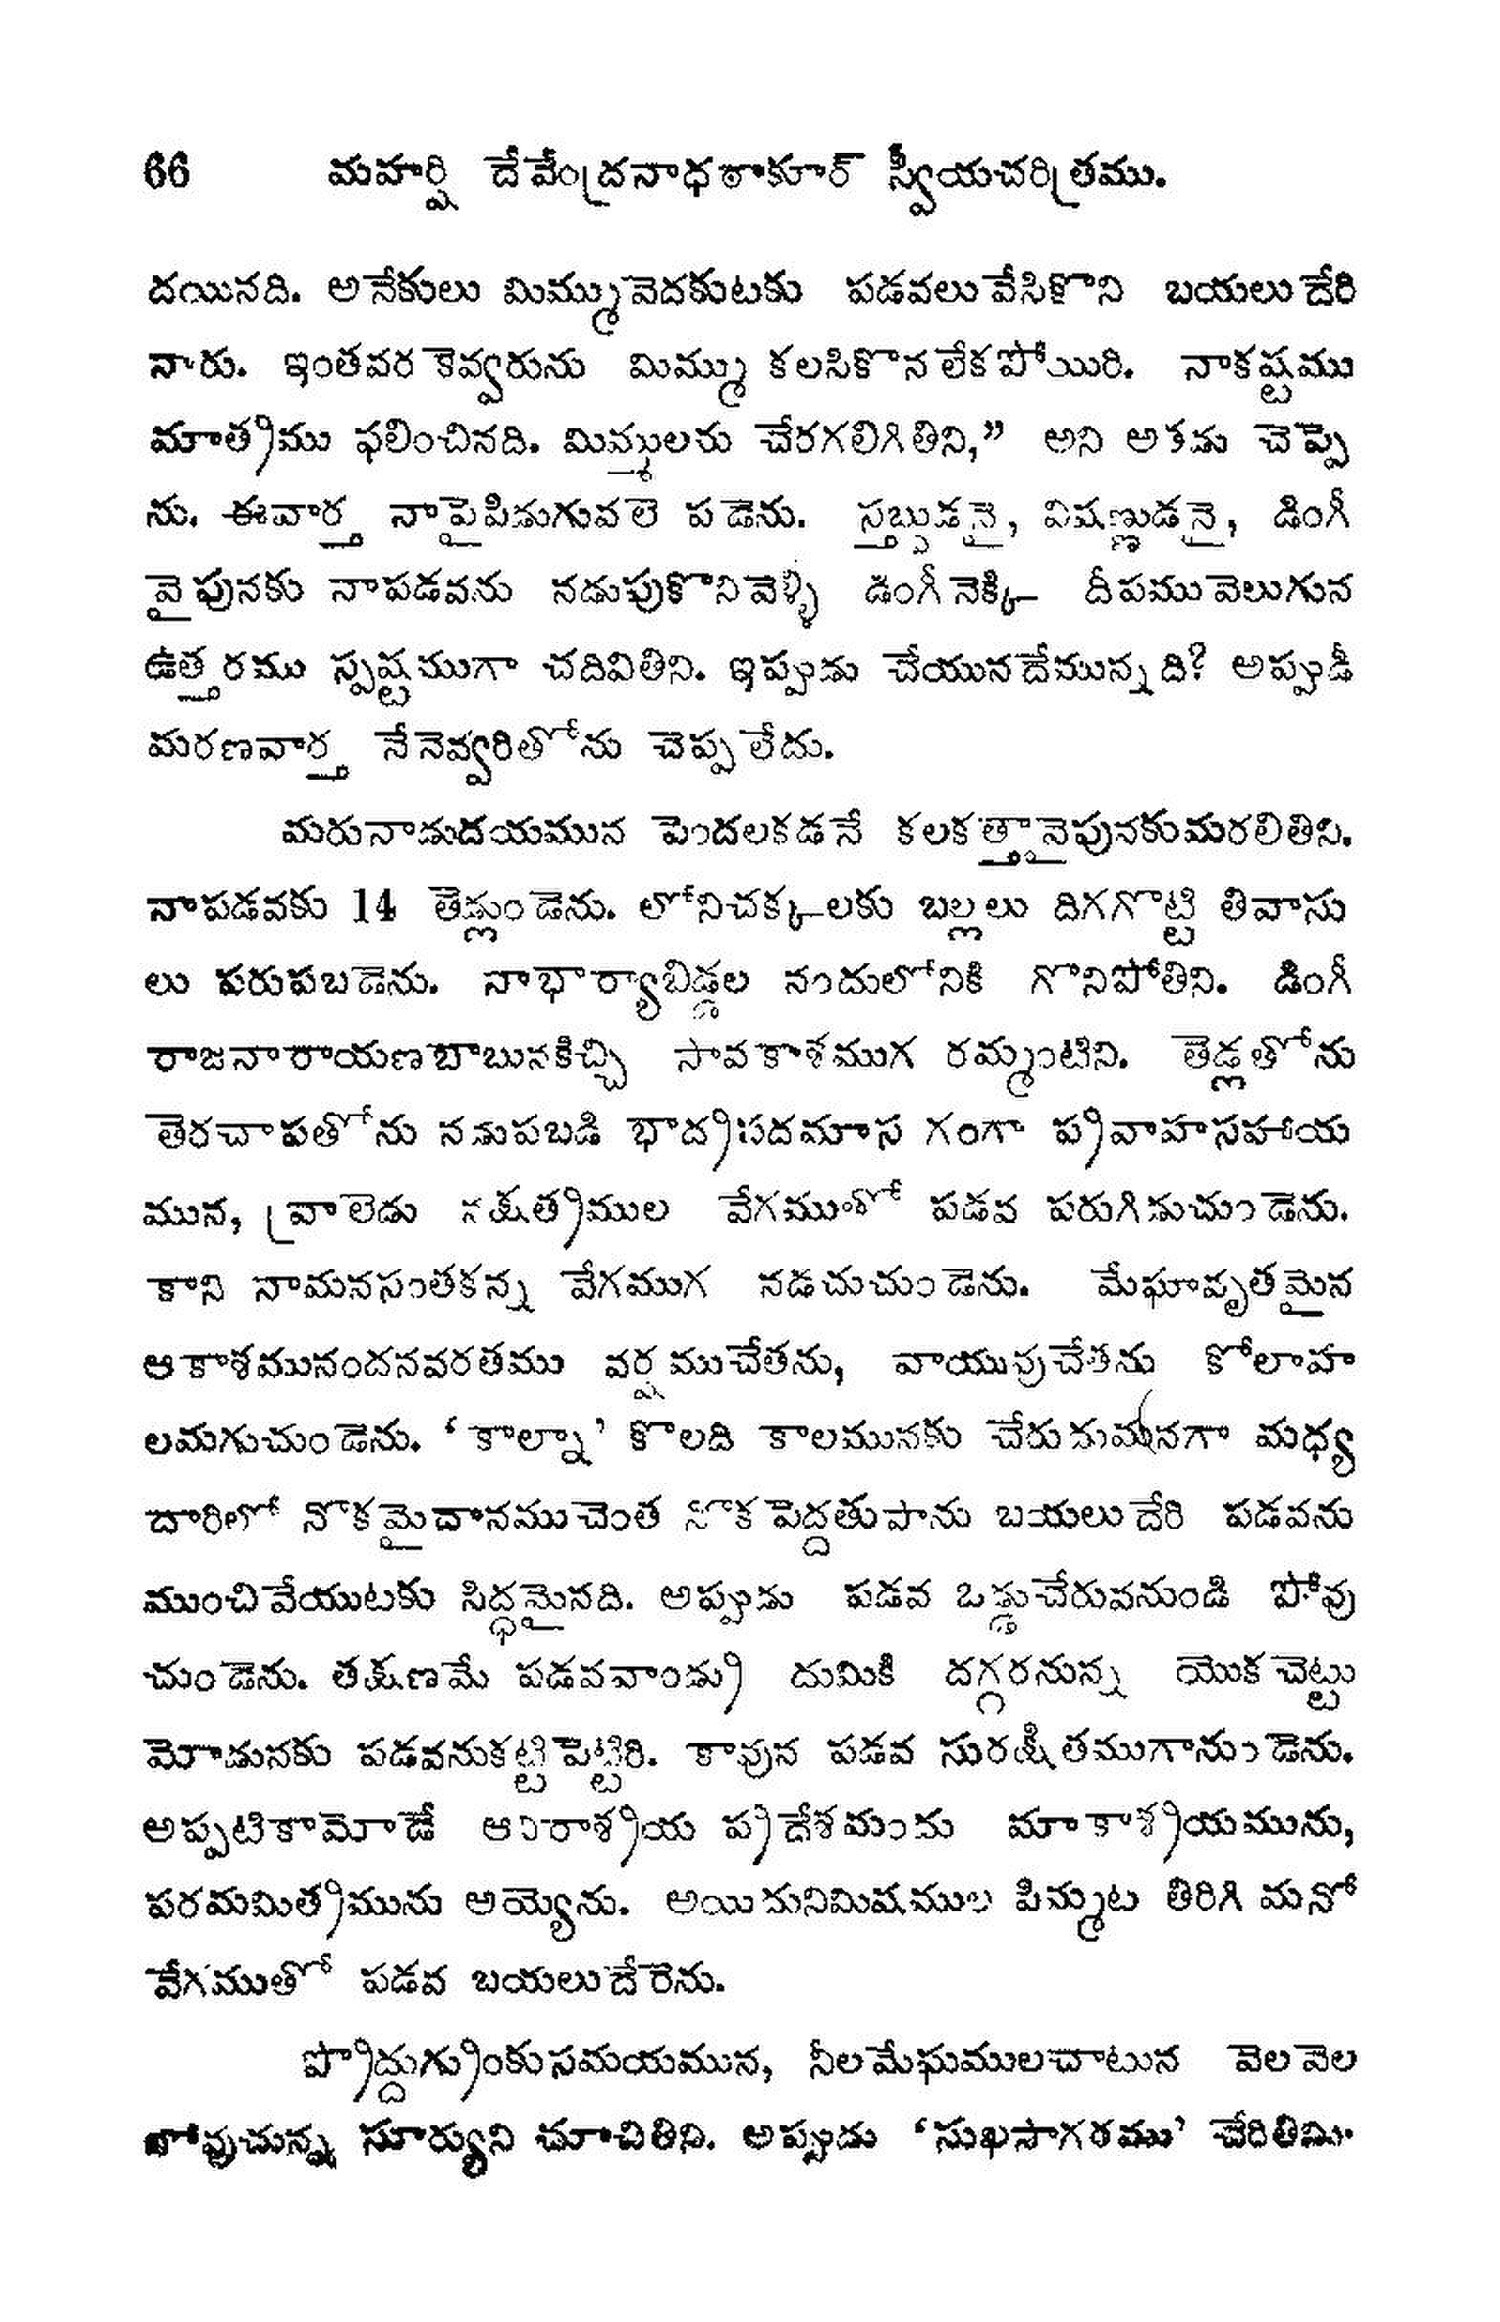దయినది. అనేకులు మిమ్ము వెదకుటకు పడవలు వేసికొని బయలు దేరి
నారు. ఇంతవర కెవ్వరును మిమ్ము కలసికొన లేక పోయిరి. నాకష్టము
మాత్రము ఫలించినది. మిమ్ములను చేరగలిగితిని,” అని అతడు చెప్పే
ను, ఈవార్త నాపై పిడుగువలె పడెను. సబ్దుడనై , విషజ్ఞుడనై , డింగీ
వైపునకు నాపడవను నడుపుకొని వెళ్ళి డింగీ నెక్కి దీపము వెలుగున
ఉత్తరము స్పష్టముగా చదివితిని. ఇప్పుడు చేయునదే మున్నది? అప్పుడీ
మరణవార్త నేనెవ్వరితోను చెప్పలేదు.

మరునాడుదయమున పెందలకడనే కలకతా నైపునకు మరలితిసి.
నాపడవకు 14 తెడ్లుం డెను. లోనిచక్కలకు బల్లలు దిగగొట్టి తివాసు
లు పరుపబడెను. నాభార్యాబిడ్డల సందులోనికి గోనిపోతిని. డింగీ
రాజనారాయణ బాబున కిచ్చి సావకాశముగ రమ్మంటిని. తెడ్లలోను
తెరచాపతోను నడుపబడి భాద్ర పదమాస గంగా ప్రవాహ సహాయ
మున, వ్రాలెడు నక్షత్రముల వేగముతో పడవ పరుగిడుచుండెను.
కాని నామనసంతకన్న వేగముగ నడచు చుండెను. మేఘావృతమైన
ఆకాశమునందనవరతము వర్షము చేతను, వాయువు చేతను కోలాహ
లమగు చుండెను. ఆ కాల్నా' కొలదీ కాలమునకు చేరు ముమనగా మధ్య
దారిలో నొక మైదానము చెంత నొక పెద్ద తుపాను బయలు దేరి పడవను
ముంచివేయుటకు సిద్దమైనది. అప్పుడు పడవ ఒడ్డు చేరువనుండి పోవు
చుండెను. తకుణమే పడవ వాండు దుమికి దగ్గరనున్న యొక చెట్టు
మోడునకు పడవనుకట్టి పెట్టిరి. కావున పడవ సురక్షితముగానుండెను.
అప్పటి కామోడే ఆ నిరాశ్రయ ప్రదేశ మందు మాకాశ్రయమును,
పరమమిత్రమును అయ్యెను. అయిదునిమిషముల పిమ్మట తిరిగి మనో
వేగముతో పడవ బయలు దేరెను.

పొద్దుగుంకు సమయమున, నీల మేఘములచాటున వెల వెల
బోవుచున్న సూర్యుని చూచితిని. అప్పుడు 'సుఖసాగరము' చేరితిని,